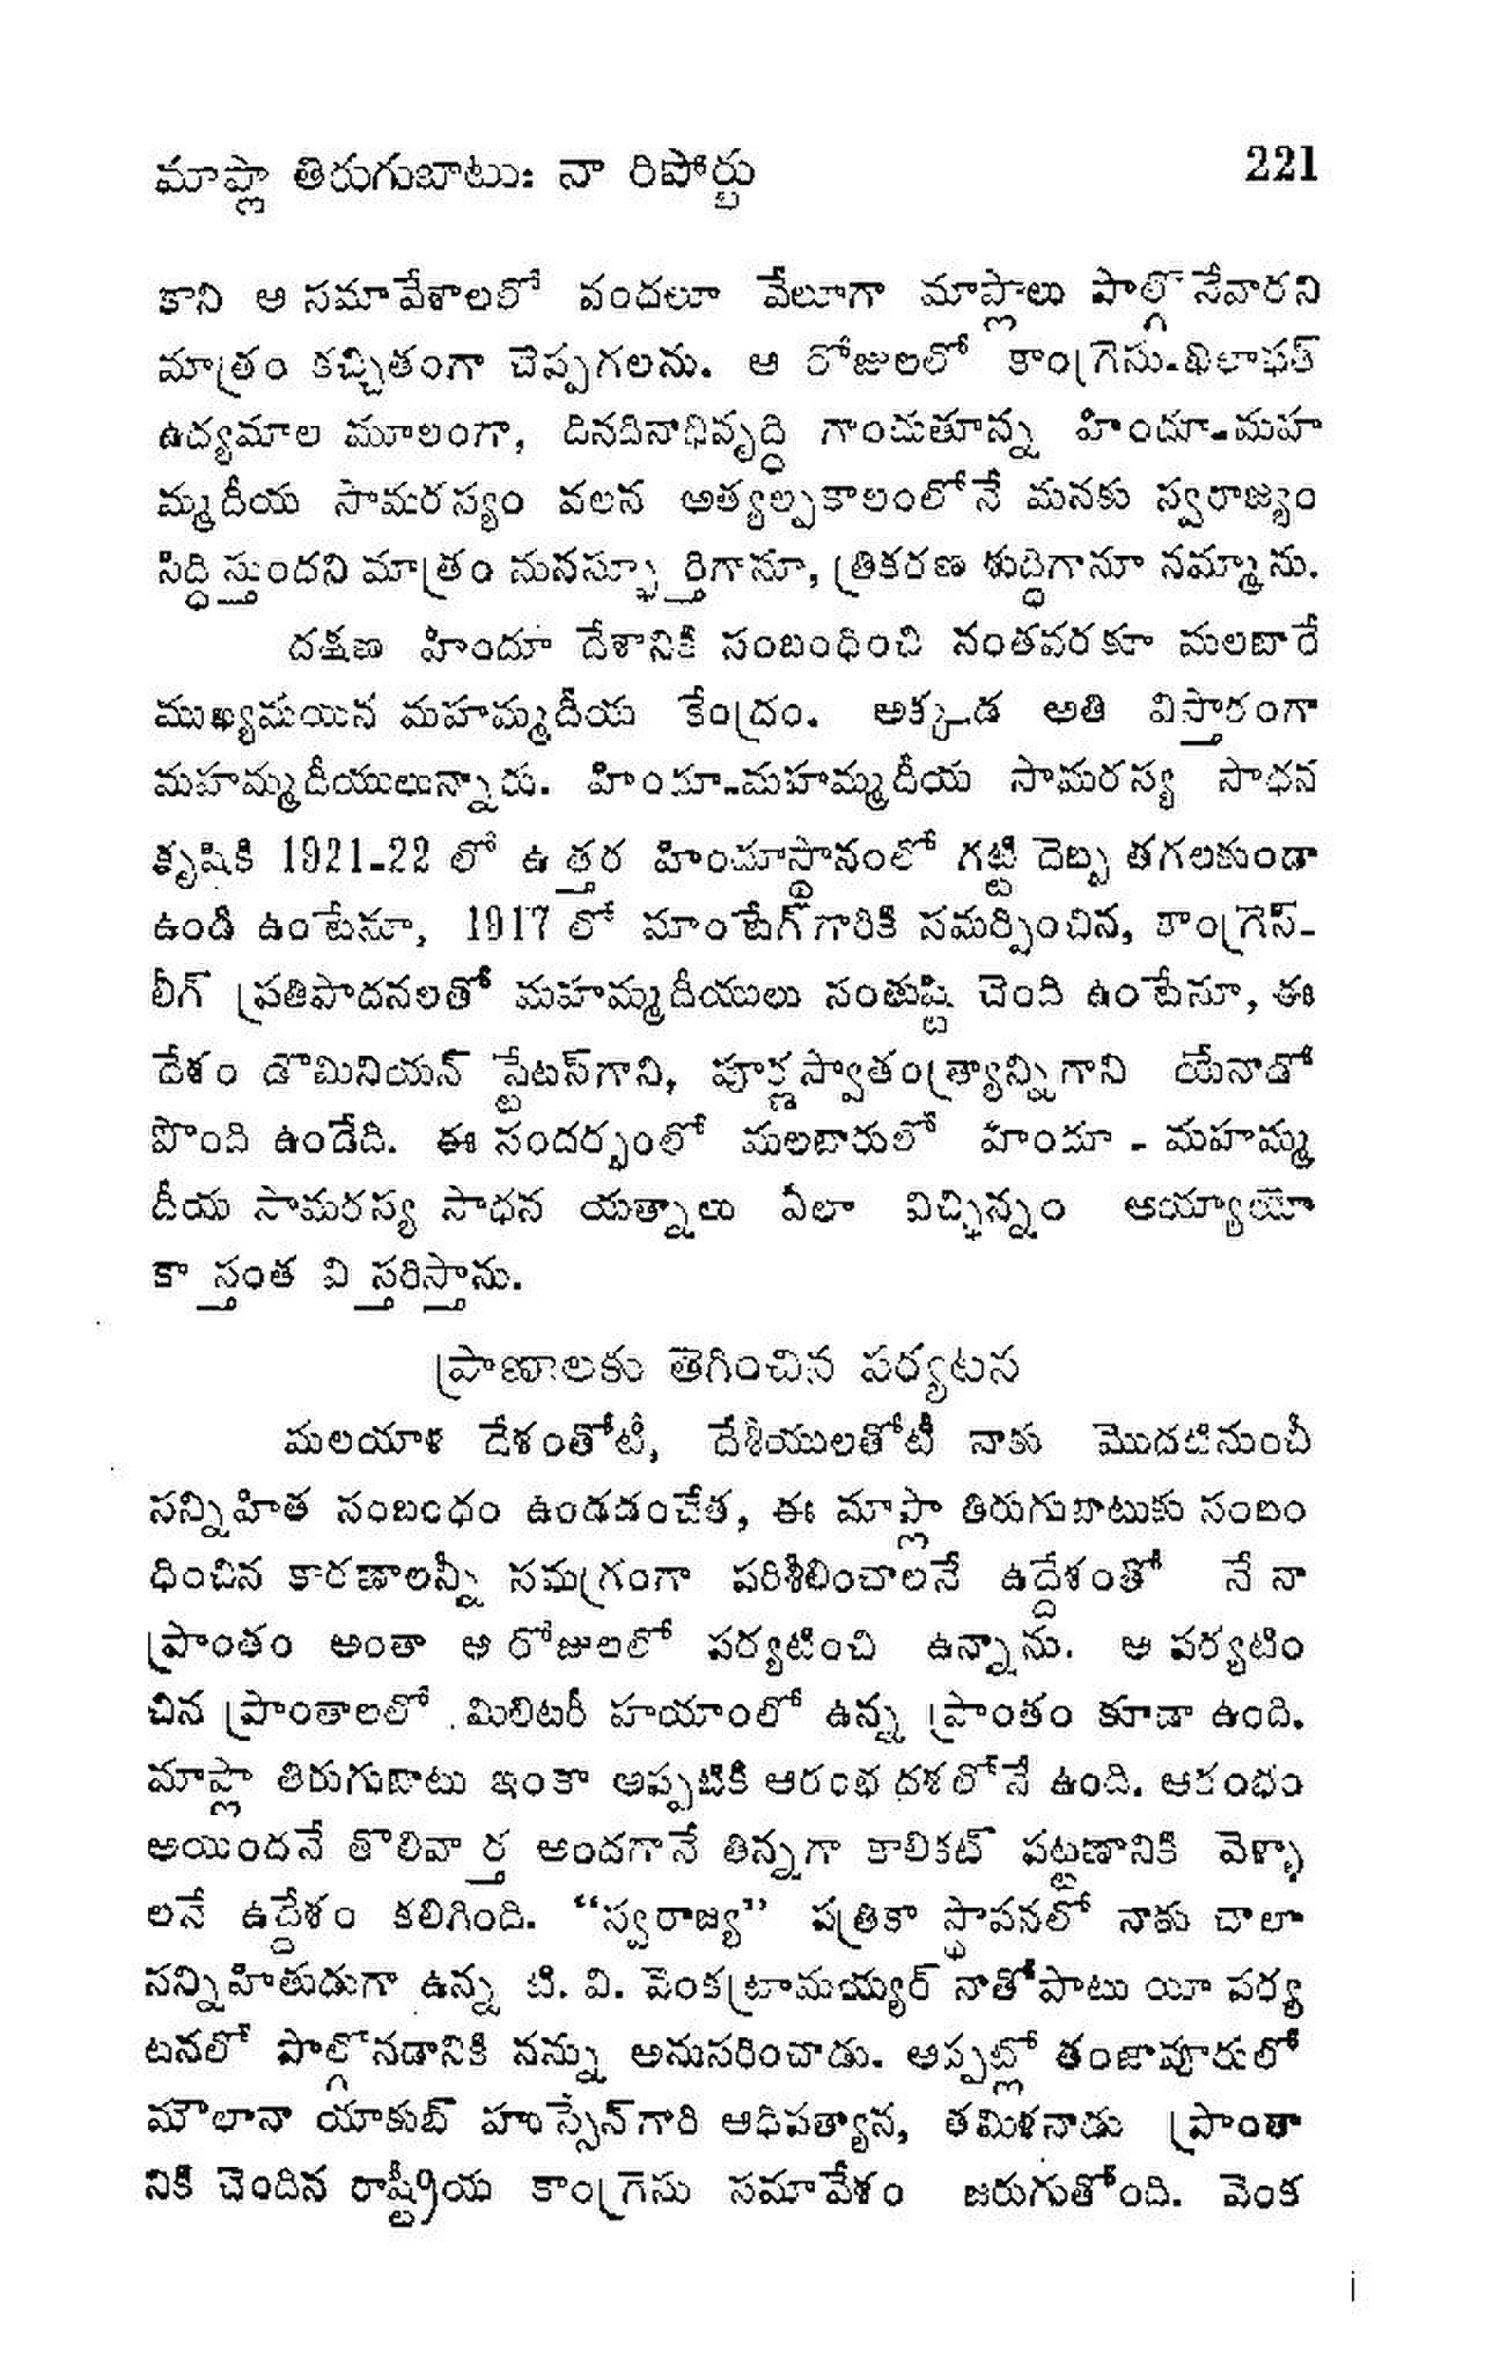కాని ఆ సమావేశాలలో వందలూ వేలుగా మాప్లాలు పాల్గొనేవారని మాత్రం కచ్చితంగా చెప్పగలరు. ఆ రోజులలో కాంగ్రెసు-ఖిలాఫత్ ఉద్యమాల మూలంగా, దినదినాభివృద్ది గాంచుతూన్న హిందూ-మహమ్మదీయ సామరస్యం వలన అత్యల్పకాలంలోనే మనకు స్వరాజ్యం సిద్దిస్తుందని మాత్రం మనస్ఫూర్తిగానూ, త్రికరణ శుద్ధిగానూ నమ్మాను.

దక్షిణ హిందూ దేశానికి సంబంధించి నంతవరకూ మలబారే ముఖ్యమయిన మహమ్మదీయ కేంద్రం. అక్కడ అతి విస్తారంగా మహమ్మదీయులున్నారు. హిందూ-మహమ్మదీయ సామరస్య సాధన కృషికి 1921-22 లో ఉత్తర హిందూస్థానంలో గట్టి దెబ్బ తగలకుండా ఉండి ఉంటేనూ, 1917 లో మాంటేగారికి సమర్పించిన, కాంగ్రెస్-లీగ్ ప్రతిపాదనలతో మహమ్మదీయులు సంతుష్టి చెంది ఉంటేనూ, ఈ దేశం డొమినియన్ స్టేటస్‌గాని, పూర్ణస్వాతంత్ర్యాన్నిగాని యేనాడో పొంది ఉండేది. ఈ సందర్బంలో మలబారులో హిందూ-మహమ్మదీయ సామరస్య సాధన యత్నాలు ఏలా విచ్చిన్నం అయ్యాయో కాస్తంత విస్తరిస్తాను.

మలయాళ దేశంతోటీ, దేశీయులతోటీ నాకు మొదటినుంచీ సన్నిహిత సంబంధం ఉండడంచేత, ఈ మాప్లా తిరుగుబాటుకు సంబంధించిన కారణాలన్నీ సమగ్రంగా పరిశీలించాలనే ఉద్దేశంతో నే నా ప్రాంతం అంతా ఆ రోజులలో పర్యటించి ఉన్నాను. ఆ పర్యటించిన ప్రాంతాలలో మిలిటరీ హయాంలో ఉన్న ప్రాంతం కూడా ఉంది. మాప్లా తిరుగుబాటు ఇంకా అప్పటికి ఆరంభ దశలోనే ఉంది. ఆరంభం అయిందనే తొలి వార్త అందగానే తిన్నగా కాలికట్ పట్టణానికి వెళ్ళాలనే ఉద్దేశం కలిగింది. "స్వరాజ్య" పత్రికా స్థాపనలో నాకు చాలా సన్నిహితుడుగా ఉన్న టి.వి.వెంకట్రామయ్యర్ నాతోపాటు యీ పర్యటనలో పాల్గొనడానికి నన్ను అనుసరించాడు. అప్పట్లో తంజావూరులో మౌలానా యాకుబ్ హుస్సేన్‌గారి ఆధిపత్యాన, తమిళనాడు ప్రాంతానికి చెందిన రాష్ట్రీయ కాంగ్రెసు సమావేశం జరుగుతోంది. వెంక